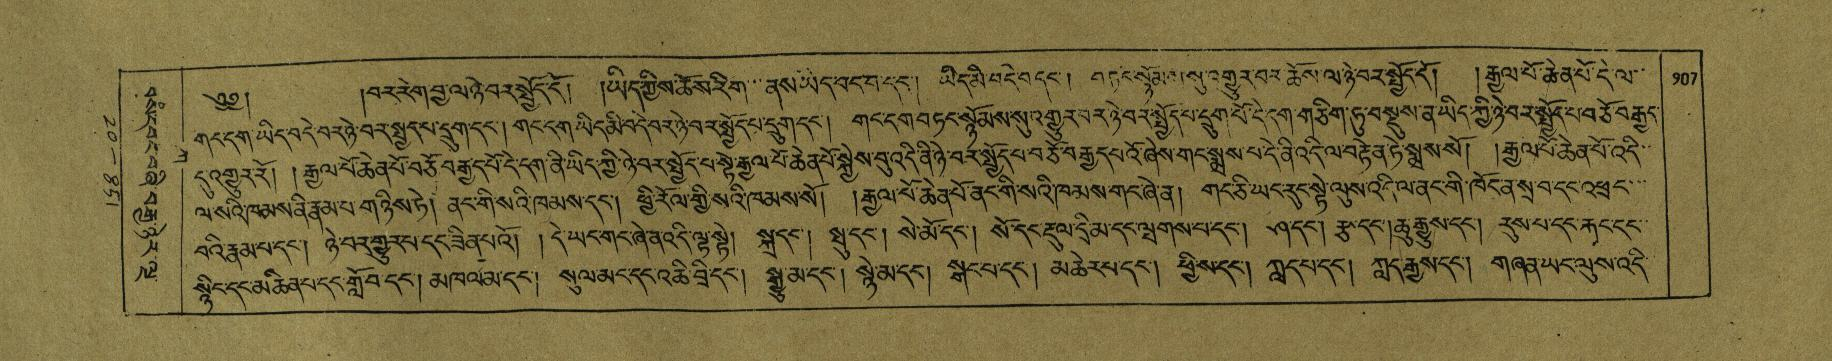༄༅། །བར་རེག་བྱ་ལ་ཉེ་བར་སྤྱོད་དོ། །ཡིད་ཀྱིས་ཆོས་རིག་ནས་ཡིད་བདེ་བ་དང་། ཡིད་མི་བདེ་བ་དང་། བཏང་སྙོམས་སུ་འགྱུར་བར་ཆོས་ལ་ཉེ་བར་སྤྱོད་དོ། །རྒྱལ་པོ་ཆེན་པོ་དེ་ལ་
གང་དག་ཡིད་བདེ་བར་ཉེ་བར་སྤྱད་པ་དྲུག་དང་། གང་དག་ཡིད་མི་བདེ་བར་ཉེ་བར་སྤྱོད་པ་དྲུག་དང་། གང་དག་བཏང་སྙོམས་སུ་འགྱུར་བར་ཉེ་བར་སྤྱོད་པ་དྲུག་པོ་དེ་དག་གཅིག་ཏུ་བསྡུས་ན་ཡིད་ཀྱི་ཉེ་བར་སྤྱོད་པ་བཅོ་བརྒྱད་
དུ་འགྱུར་རོ། །རྒྱལ་པོ་ཆེན་པོ་བཅོ་བརྒྱད་པོ་དེ་དག་ནི་ཡིད་ཀྱི་ཉེ་བར་སྤྱོད་པ་སྟེ་རྒྱལ་པོ་ཆེན་པོ་སྐྱེས་བུ་འདི་ནི་ཉེ་བར་སྤྱོད་པ་བཅོ་བརྒྱད་པའོ་ཞེས་གང་སྨྲས་པ་དེ་ནི་འདི་ལ་བརྟེན་ཏེ་སྨྲས་སོ། །རྒྱལ་པོ་ཆེན་པོ་འདི་
ལ་སའི་ཁམས་ནི་རྣམ་པ་གཉིས་ཏེ། ནང་གི་སའི་ཁམས་དང་། ཕྱི་རོལ་གྱི་སའི་ཁམས་སོ། །རྒྱལ་པོ་ཆེན་པོ་ནང་གི་སའི་ཁམས་གང་ཞེ་ན། གང་ཅི་ཡང་རུང་སྟེ་ལུས་འདི་ལ་ནང་གི་ཁོང་ན་སྲ་བ་དང་འཕྲང་
བའི་རྣམ་པ་དང་། ཉེ་བར་གྱུར་པ་དང་ཟིན་པའོ། །དེ་ཡང་གང་ཞེ་ན་འདི་ལྟ་སྟེ། སྐྲ་དང་། སྤུ་དང་། སེ་མོ་དང་། སོ་དང་རྡུལ་དྲི་མ་དང་ལྤགས་པ་དང་། ཤ་དང་། རྩ་དང་། ཆུ་རྒྱུས་དང་། རུས་པ་དང་རྐང་དང་
སྙིང་དང་མཆིན་པ་དང་གློ་བ་དང་། མཁལ་མ་དང་། སུལ་མང་དང་འཆི་བྲི་དང་། སྒྱུ་མ་དང་། སྙེ་མ་དང་། སྒང་པ་དང་། མཆེར་པ་དང་། ཕྱི་ས་དང་། ཀླད་པ་དང་། ཀླད་རྒྱས་དང་། གཞན་ཡང་ལུས་འདི་